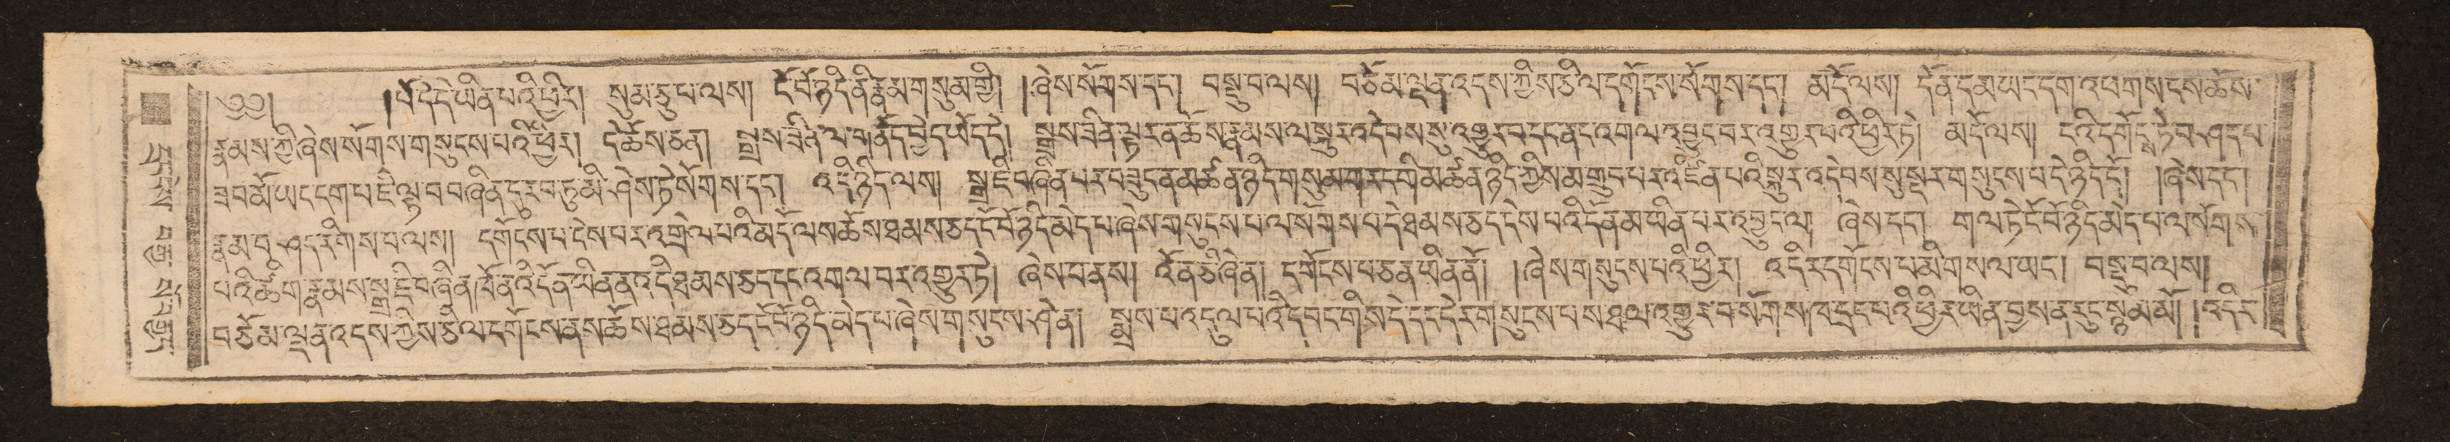༄༅། །པོ་དེ་དེ་ཡིན་པའི་ཕྱིར། སུམ་ཅུ་པ་ལས། ངོ་བོ་ཉིད་ནི་རྣམ་གསུམ་གྱི། །ཞེས་སོགས་དང་། བསྡུ་བ་ལས། བཅོམ་ལྡན་འདས་ཀྱིས་ཅི་ལ་དགོངས་སོགས་དང་། མདོ་ལས། དོན་དམ་ཡང་དག་འཕགས་ངས་ཆོས་
རྣམས་ཀྱི་ཞེས་སོགས་གསུངས་པའི་ཕྱིར། དེ་ཆོས་ཅན། སྒྲས་ཟིན་ལ་གནོད་བྱེད་ཡོད་དེ། སྒྲས་ཟིན་ལྟར་ན་ཆོས་རྣམས་ལ་སྐུར་འདེབས་སུ་འགྱུར་བ་དང་ནང་འགལ་འབྱུང་བར་འགྱུར་བའི་ཕྱིར་ཏེ། མདོ་ལས། ངའི་དགོངས་ཏེ་བཤད་པ་
ཟབ་མོ་ཡང་དག་པ་ཇི་ལྟ་བ་བཞིན་དུ་རབ་ཏུ་མི་ཤེས་ཏེ་སོགས་དང་། འདི་ཉིད་ལས། སྒྲ་ཇི་བཞིན་པར་བཟུང་ན་མཚན་ཉིད་གསུམ་ག་རང་གི་མཚན་ཉིད་ཀྱིས་མ་གྲུབ་པར་འཛིན་པའི་སྐུར་འདེབས་སུ་སྔར་གསུངས་པ་དེ་ཉིད་དོ། །ཞེས་དང༑
རྣམ་བཤད་རིགས་པ་ལས། དགོངས་པ་ངེས་པར་འགྲེལ་པའི་མདོ་ལས་ཆོས་ཐམས་ཅད་ངོ་བོ་ཉིད་མེད་པ་ཞེས་གསུངས་པ་ལ་སོགས་པ་དེ་ཐམས་ཅད་ངེས་པའི་དོན་མ་ཡིན་པར་འབྱུང་ལ། ཞེས་དང་། གལ་ཏེ་ངོ་བོ་ཉིད་མེད་བ་ལ་སོགས་
པའི་ཚིག་རྣམས་སྒྲ་ཇི་བཞིན་ཁོ་ནའི་དོན་ཡིན་ན་འདི་ཐམས་ཅད་དང་འགལ་བར་འགྱུར་ཏེ། ཞེས་པ་ནས། འོ་ན་ཅི་ཞེ་ན། དགོངས་པ་ཅན་ཡིན་ནོ། །ཞེས་གསུངས་པའི་ཕྱིར། འདིར་དགོངས་པ་མི་གསལ་ཡང་། བསྡུ་བ་ལས།
བཅོམ་ལྡན་འདས་ཀྱིས་ཅི་ལ་དགོངས་ནས་ཆོས་ཐམས་ཅད་ངོ་བོ་ཉིད་མེད་པ་ཞེས་གསུངས་ཤེ་ན། སྨྲས་པ་འདུལ་བའི་དབང་གིས་དེ་དང་དེར་གསུངས་པས་ཐལ་འགྱུར་བ་སོགས་ཁ་དྲང་བའི་ཕྱིར་ཡིན་བྱས་ན་རུང་སྙམ་མོ། །འདིར་